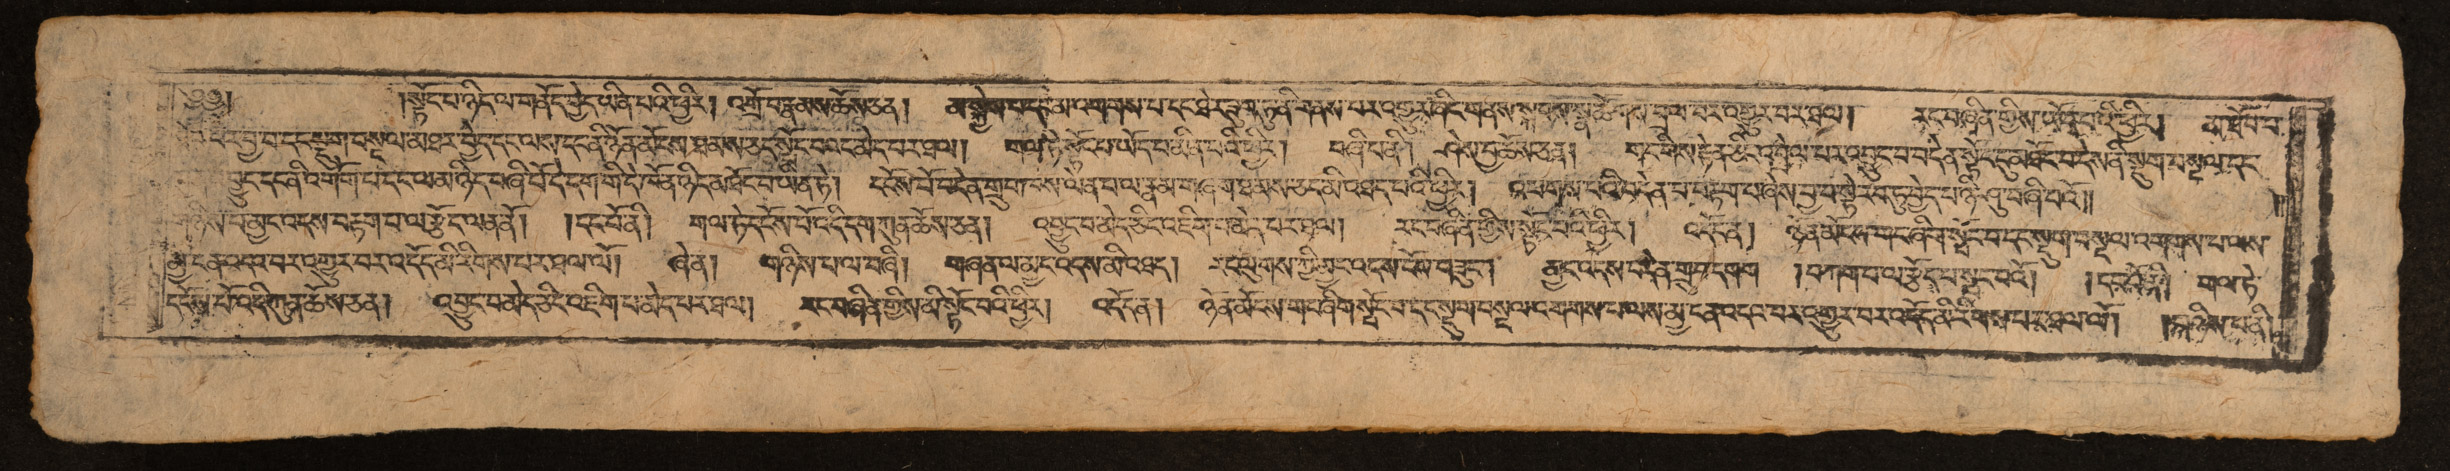༄༅། །སྟོང་པ་ཉིད་ལ་གནོད་བྱེད་ཡིན་པའི་ཕྱིར། འགྲོ་བ་རྣམས་ཆོས་ཅན། མ་སྐྱེས་པ་དང་མ་འགགས་པ་དང་ཐེར་ཟུག་ཏུ་ནི་གནས་པར་འགྱུར་ཞིང་གནས་སྐབས་སྣ་ཚོགས་བྲལ་བར་འགྱུར་བར་ཐལ། རང་བཞིན་གྱིས་ཡོད་པའི་ཕྱིར། མ་ཐོབ་པ་
ཐོབ་པར་བྱ་བ་དང་སྡུག་བསྔལ་མཐར་བྱེད་དང་ལས་དང་ནི་ཉོན་མོངས་ཐམས་ཅད་སྤོང་བའང་མེད་པར་ཐལ། གལ་ཏེ་སྟོང་པ་ཡོད་པ་མིན་པའི་ཕྱིར། བཞི་པ་ནི། ཤེས་བྱ་ཆོས་ཅན། གང་གིས་རྟེན་ཅིང་འབྲེལ་པར་འབྱུང་བ་བདེན་སྟོང་དུ་མཐོང་བ་དེས་ནི་སྡུག་བསྔལ་དང་
ཀུན་འབྱུང་དང་ནི་འགོག་པ་དང་ལམ་ཉིད་བཞི་པོ་དེ་དག་གི་དེ་ཁོ་ན་ཉིད་མཐོང་བ་ཡིན་ཏེ། དངོས་པོ་བདེན་གྲུབ་ཁས་ལེན་པ་ལ་རྣམ་གཞག་ཐམས་ཅད་མི་འཐད་པའི་ཕྱིར། འཕགས་པའི་བདེན་པ་བརྟག་པ་ཞེས་བྱ་བ་སྟེ་རབ་ཏུ་བྱེད་པ་ཉི་ཤུ་བཞི་པའོ།།
གཉིས་པ་མྱང་འདས་བརྟག་པ་ལ་རྩོད་ལན་ནོ། །དང་པོ་ནི། གལ་ཏེ་དངོས་པོ་འདི་དག་ཀུན་ཆོས་ཅན། འབྱུང་བ་མེད་ཅིང་འཇིག་པ་མེད་པར་ཐལ། རང་བཞིན་གྱིས་སྟོང་བའི་ཕྱིར། འདོད་ན། ཉོན་མོངས་གང་ཞིག་སྤོང་བ་དང་སྡུག་བསྔལ་འགགས་པ་ལས་
མྱ་ངན་འདའ་བར་འགྱུར་བར་འདོད་མི་རིགས་པར་ཐལ་ལོ། །ཞེ་ན། གཉིས་པ་ལ་བཞི། གཞན་ལ་མྱང་འདས་མི་འཐད། རང་ལུགས་ཀྱི་མྱང་འདས་ངོས་གཟུང་། མྱང་འདས་བདེན་གྲུབ་དགག །བཀག་པ་ལ་རྩོད་པ་སྤང་བའོ། །དང་པོ་ནི། གལ་ཏེ་
དངོས་པོ་འདི་ཀུན་ཆོས་ཅན། འབྱུང་བ་མེད་ཅིང་འཇིག་པ་མེད་པར་ཐལ། རང་བཞིན་གྱིས་མི་སྟོང་པའི་ཕྱིར། འདོད་ན། ཉོན་མོངས་གང་ཞིག་སྤོང་བ་དང་སྡུག་བསྔལ་འགགས་པ་ལས་མྱ་ངན་འདའ་བར་འགྱུར་བར་འདོད་མི་རིགས་པར་ཐལ་ལོ། །གཉིས་པ་ནི།